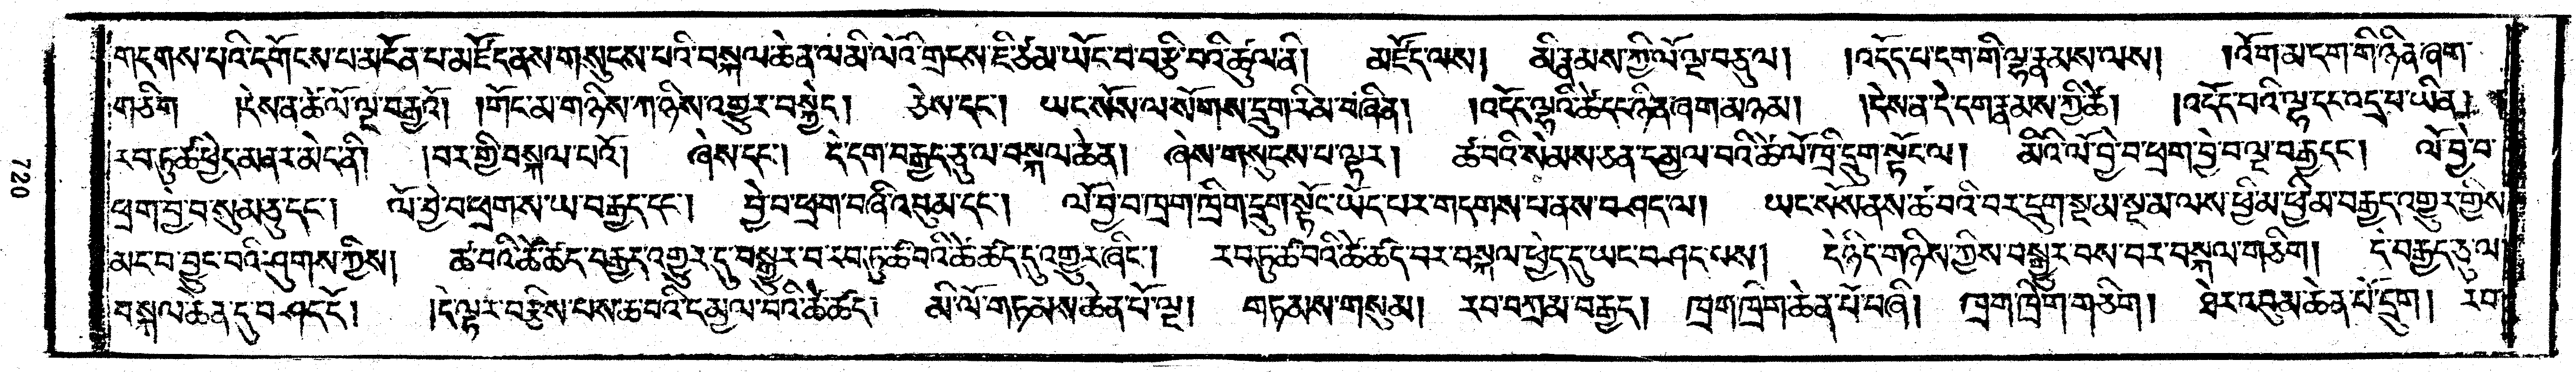གདགས་པའི་དགོངས་པ་མངོན་པ་མཛོད་ནས་གསུངས་པའི་བསྐལ་ཆེན་ལ་མི་ལོའི་གྲངས་ཇི་ཙམ་ཡོད་པ་བརྩི་བའི་ཚུལ་ནི། མཛོད་ལས། མི་རྣམས་ཀྱི་ལོ་ལྔ་བཅུ་ལ། །འདོད་པ་དག་གི་ལྷ་རྣམས་ལས། །འོག་མ་དག་གི་ཉིན་ཞག་
གཅིག །དེས་ན་ཚོ་ལོ་ལྔ་བརྒྱའོ། །གོང་མ་གཉིས་ཀ་ཉིས་འགྱུར་བསྐྱེད། ཅེས་དང་། ཡང་སོས་ལ་སོགས་དྲུག་རིམ་བཞིན། །འདོད་ལྷའི་ཚེ་དང་ཉིན་ཞག་མཉམ། །དེས་ན་དེ་དག་རྣམས་ཀྱི་ཚེ། །འདོད་པའི་ལྷ་དང་འདྲ་བ་ཡིན།
རབ་ཏུ་ཚ་ཕྱེད་མནར་མེད་ནི། །བར་གྱི་བསྐལ་པའོ། ཞེས་དང་། དེ་དག་བརྒྱད་ཅུ་ལ་བསྐལ་ཆེན། ཞེས་གསུངས་པ་ལྟར། ཚ་བའི་སེམས་ཅན་དམྱལ་བའི་ཚེ་ལོ་ཁྲི་དྲུག་སྟོང་ལ། མིའི་ལོ་བྱེ་བ་ཕྲག་བྱེ་བ་ལྔ་བརྒྱ་དང་། ལོ་བྱེ་བ་
ཕྲག་བྱེ་བ་སུམ་ཅུ་དང་། ལོ་བྱེ་བ་ཕྲག་ས་ཡ་བརྒྱད་དང་། བྱེ་བ་ཕྲག་བཞི་འབུམ་དང་། ལོ་བྱེ་བ་ཁྲག་ཁྲིག་དྲུག་སྟོང་ཡོད་པར་གདགས་པ་ནས་བཤད་ལ། ཡང་སོས་ནས་ཚ་བའི་བར་དྲུག་སྔ་མ་སྔ་མ་ལས་ཕྱི་མ་ཕྱི་མ་བརྒྱད་འགྱུར་གྱིས་
མང་བ་བྱུང་བའི་ཤུགས་ཀྱིས། ཚ་བའི་ཚེ་ཚད་བརྒྱད་འགྱུར་དུ་བསྒྱུར་བ་རབ་ཏུ་ཚ་བའི་ཚེ་ཚད་དུ་འགྱུར་ཞིང་། རབ་ཏུ་ཚ་བའི་ཚེ་ཚད་པར་བསྐལ་ཕྱེད་དུ་ཡང་བཤད་པས། དེ་ཉིད་ཀྱིས་བསྒྱུར་བས་བར་བསྐལ་གཅིག། དེ་བརྒྱུད་ཅུ་ལ་
བསྐལ་ཆེན་དུ་བཤད་དོ། །དེ་ལྟར་བརྩིས་པས་ཆ་བའི་དམྱལ་བའི་ཚེ་ཚད། མི་ལོ་གཏམས་ཆེན་པོ་ལྔ། གཏམས་གསུམ། རབ་བཀྲམ་བརྒྱད། ཁྲག་ཁྲིག་ཆེན་པོ་བཞི། ཁྲག་ཁྲིག་གཅིག། ཐེར་འབུམ་ཆེན་པོ་དྲུག། རབ་